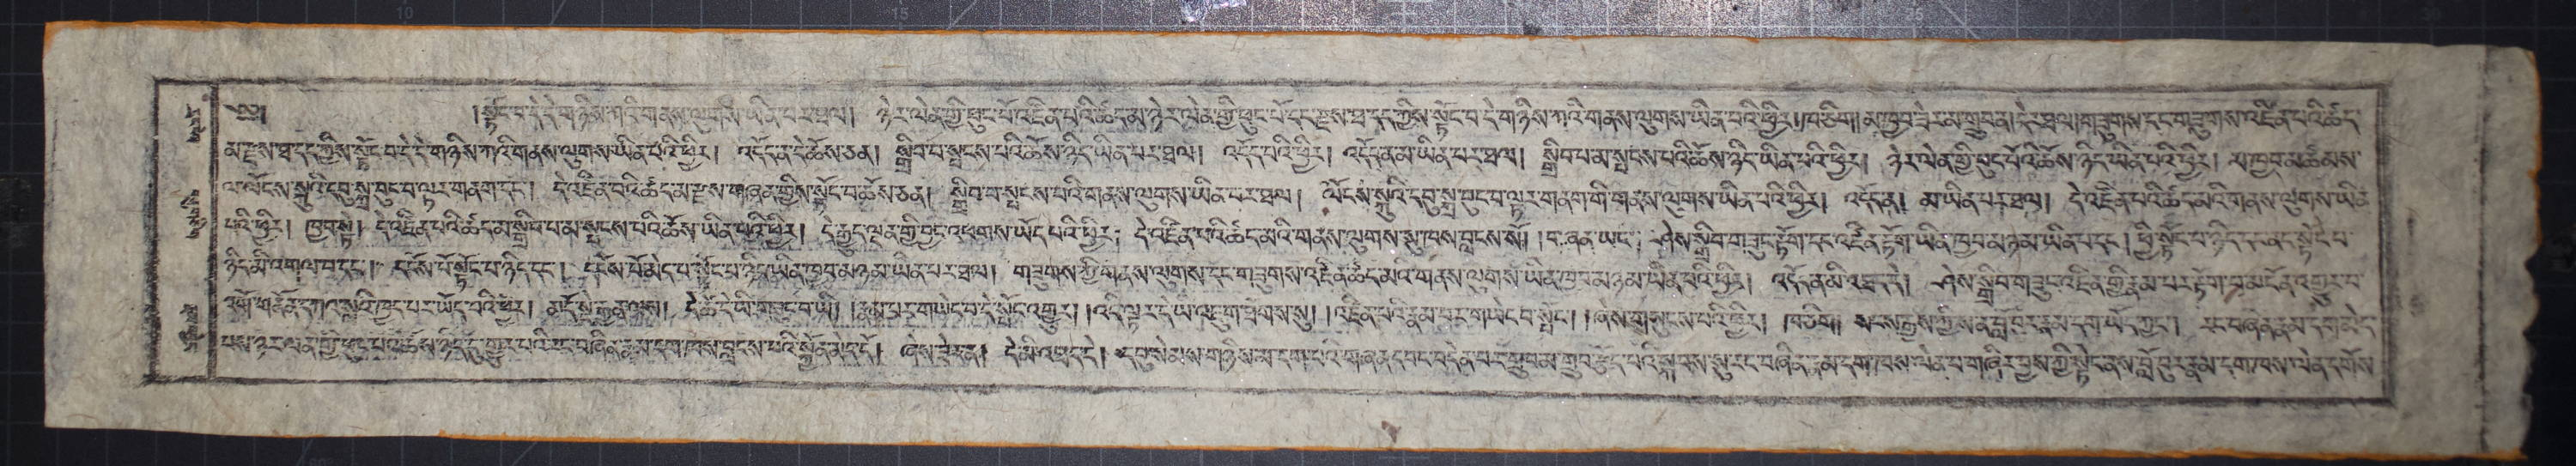༄༅། །སྟོང་བ་དེ་དེ་གཉིས་ཀའི་གནས་ལུགས་ཡིན་པར་ཐལ། ཉེར་ལེན་གྱི་ཕུང་པོ་འཛིན་པའི་ཚད་མ་ཉེར་ལེན་གྱི་ཕུང་པོ་དང་རྫས་ཐ་དད་ཀྱིས་སྟོང་བ་དེ་གཉིས་ཀའི་གནས་ལུགས་ཡིན་པའི་ཕྱིར། ཁ་ཅིག ། མ་ཁྱབ་ཟེར་མ་གྲུབ་ན། དེར་ཐལ། གཟུགས་དང་གཟུགས་འཛིན་པའི་ཚད་
མ་རྫས་ཐ་དད་ཀྱིས་སྟོང་བ་དེ་དེ་གཉིས་ཀའི་གནས་ལུགས་ཡིན་པའི་ཕྱིར། འདོད་ན་དེ་ཆོས་ཅན། སྒྲིབ་པ་སྤངས་པའི་ཆོས་ཉིད་ཡིན་པར་ཐལ། འདོད་པའི་ཕྱིར། འདོད་ན་མ་ཡིན་པར་ཐལ། སྒྲིབ་པ་མ་སྤངས་པའི་ཆོས་ཉིད་ཡིན་པའི་ཕྱིར། ཉེར་ལེན་གྱི་ཕུང་པོའི་ཆོས་ཉིད་ཡིན་པའི་ཕྱིར། མ་ཁྱབ་མཚམས་
ལ་ལོངས་སྐུའི་དབུ་སྐྲ་བུང་བ་ལྟར་གནག་དང་། དེ་འཛིན་པའི་ཚད་མ་རྫས་གཞན་གྱིས་སྟོང་བ་ཆོས་ཅན། སྒྲིབ་པ་སྤངས་པའི་གནས་ལུགས་ཡིན་པར་ཐལ། ལོངས་སྐུའི་དབུ་སྐྲ་བུང་བ་ལྟར་གནག་གི་གནས་ལུགས་ཡིན་པའི་ཕྱིར། འདོད་ན། མ་ཡིན་པར་ཐལ། དེ་འཛིན་པའི་ཚད་མའི་གནས་ལུགས་ཡིན་
པའི་ཕྱིར། ཁྱབ་སྟེ། དེ་འཛིན་པའི་ཚད་མ་སྒྲིབ་པ་མ་སྤངས་པའི་ཆོས་ཡིན་པའི་ཕྱིར། དེ་རྒྱུད་ལྡན་གྱི་བྱང་འཕགས་ཡོད་པའི་ཕྱིར། དེ་འཛིན་པའི་ཚད་མའི་གནས་ལུགས་སུ་ཁས་བླངས་སོ། །གཞན་ཡང་། ཤེས་སྒྲིབ་གཟུང་རྟོག་དང་འཛིན་རྟོག་ཡིན་ཁྱབ་མཉམ་ཡིན་པ་དང་། ཕྱི་སྟོང་པ་ཉིད་དང་ནང་སྟོང་པ་
ཉིད་མི་འགལ་བ་དང་། དངོས་པོ་སྟོང་པ་ཉིད་དང་། དངོས་པོ་མེད་པ་སྟོང་པ་ཉིད་ཡིན་ཁྱབ་མཉམ་ཡིན་པར་ཐལ། གཟུགས་ཀྱི་གནས་ལུགས་དང་གཟུགས་འཛིན་ཚད་མའི་གནས་ལུགས་ཡིན་ཁྱབ་མཉམ་ཡིན་པའི་ཕྱིར། འདོད་ན་མི་འཐད་དེ། ཤེས་སྒྲིབ་གཟུང་འཛིན་གྱི་རྣམ་པར་རྟོག་པ་མངོན་གྱུར་བ་
འགོ་གནོན་དཀའ་སླའི་ཁྱད་པར་ཡོད་པའི་ཕྱིར། མདོ་སྡེ་རྒྱན་ལས། དེ་ཚེ་དེ་ཡི་གཟུང་བ་ཡི། །རྣམ་པར་གཡེང་བ་དེ་སྤོང་འགྱུར། །འདི་ལྟར་དེ་ཡི་འཇུག་ཐོགས་སུ། །འཛིན་པའི་རྣམ་པར་གཡེང་བ་སྤོང་། །ཞེས་གསུངས་པའི་ཕྱིར། ཁ་ཅིག ། སངས་རྒྱས་ཀྱི་ས་ན་བློ་བུར་རྣམ་དག་ཡོད་ཀྱང་། རང་བཞིན་རྣམ་དག་མེད་
པས་ཉེར་ལེན་གྱི་ཕུང་པོའི་ཆོས་ཉིད་དུ་གྱུར་པའི་རང་བཞིན་རྣམ་དག་ཁས་བླངས་པའི་སྐྱོན་མེད་དོ། ཞེས་ཟེར་ན། དེ་མི་འཐད་དེ། དབུ་སེམས་གཉིས་མ་དག་པའི་གཞན་དབང་བདེན་པར་གྲུབ་མ་གྲུབ་རྩོད་པའི་སྐབས་སུ་རང་བཞིན་རྣམ་དག་ཁས་ལེན་པ་གཞིར་བྱས་ཀྱི་སྟེང་ནས་བློ་བུར་རྣམ་དག་ཁས་ལེན་དགོས་